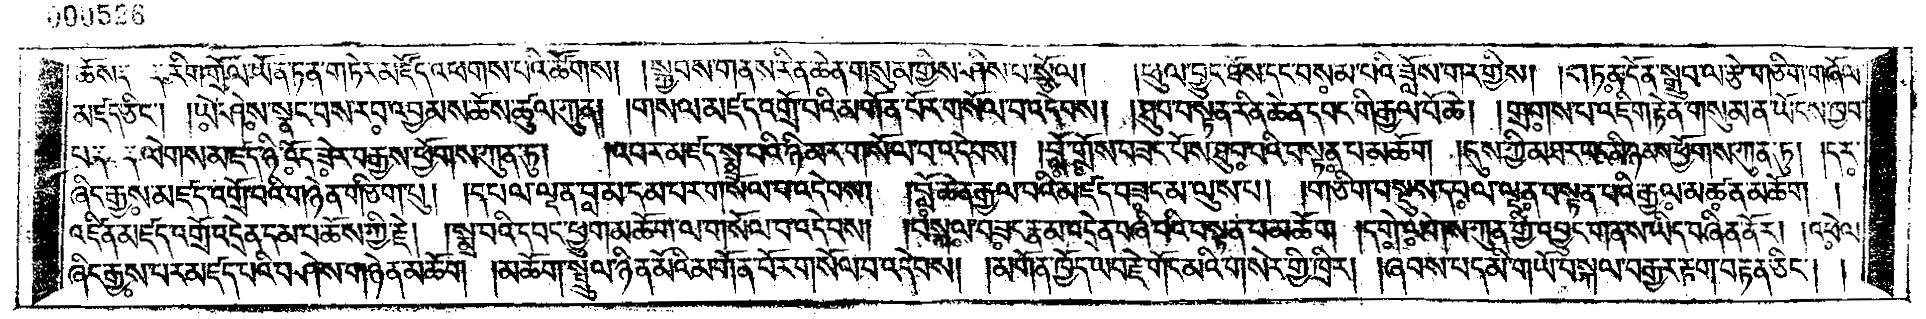ཆོས༑ ༑རིག་གྲོལ་ཡོན་ཏན་གཏེར་མཛོད་འཕགས་པའི་ཚོགས། །སྐྱབས་གནས་རིན་ཆེན་གསུམ་གྱིས་ཤིས་པ་སྩོལ། །ཕུལ་བྱུང་ཐོས་དང་བསམ྾་པའི་ཟློས་གར་གྱིས། །གཏན྾་དོན་སྒྲུབ་ལ་རྩེ་གཅིག་གཞོལ་
མཛད་ཅིང་། །ཡེ྾་ཤེས྾་སྣང་བས་རབ྾་འབྱམས་ཆོས་ཚུལ་ཀུན། །གསལ་མཛད་འགྲོ་བའི་མགོན་པོར་གསོལ་བ་འདེབས། །ཐུབ་བསྟན་རིན་ཆེན་དབང་གི་རྒྱལ་པོ་ཆེ། །གྲགས྾་པ་འཇིག་རྟེན་གསུམ་ན་ཡོངས་ཁྱབ་
པ༑ ༑ལེགས་མཛད་ཉི྾་འོད་ཟེར྾་བརྒྱས་ཕྱོགས་ཀུན་ཏུ། །འབར་མཛད་སྨྲ་པའི་ཉི་མར་གསོལ་བ་འདེབས། །བློ྾་གྲོས྾་བཟང་པོས་ཐུབ྾་པའི་བསྟན྾་པ་མཆོག །དུས་ཀྱི་མཐར་ཡང་མི་ཉམས་ཕྱོགས་ཀུན་ཏུ། །དེར྾་
ཞིང་རྒྱས྾་མཛད་འགྲོ་བའི་གཉེན་གཅིག་པུ། །དཔལ་ལྡན་བླ་མ་དམ་པར་གསོལ་བ་འདེབས། །བློ྾་ཆེན་རྒྱལ་བའི་མཛད་བཟང྾་མ་ལུས་པ། །གཅིག་བསྡུས་དཔལ྾་ལྡན྾་བསྟན་པའི་རྒྱལ྾་མཚན྾་མཆོག །
འཛིན་མཛད་འགྲོ་འདྲེན་དམ་པ་ཆོས་ཀྱི་རྗེ། །སྨྲ་བའི་དབང་ཕྱུག་མཆོག་ལ་གསོལ་བ་འདེབས། །བསྐལ྾་བཟང྾་རྣམ་འདྲེན་བཞི་པའི་བསྟན་པ་མཆོག །དགེ྾་ལེགས྾་ཀུན་གྱི་འབྱུང་གནས་ཡིད་བཞིན་ནོར། །འཕེལ྾་
ཞིང་རྒྱས྾་པར་མཛད་པའི་བཤེས་གཉེན་མཆོག །མཆོག་སྤྲུལ་ཉིན་མོའི་མགོན་པོར་གསོལ་བ་འདེབས། །མགོན་ཁྱོད་ཡབ་རྗེ་གོང་མའི་གསེར་གྱི་ཁྲིར། །ཞབས་པད་མི་གཡོ་བསྐལ་བརྒྱར་རྟག་བརྟན་ཅིང་། །